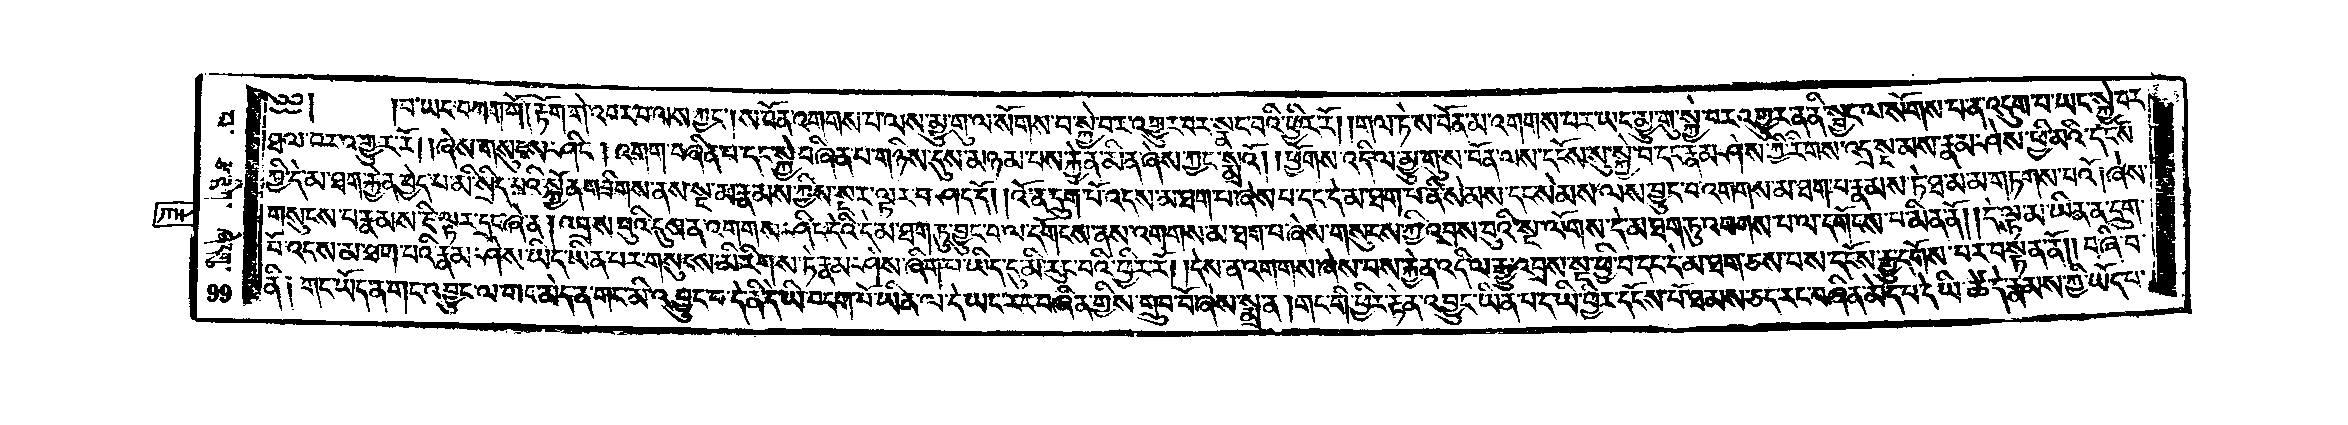༄༅། །བ་ཡང་བཀག་གོ །རྟོག་གེ་འབར་བ་ལས་ཀྱང་། ས་བོན་འགགས་པ་ལས་མྱུ་གུ་ལ་སོགས་པ་སྐྱེ་བར་འགྱུར་བར་སྣང་བའི་ཕྱིར་རོ། །གལ་ཏེ་ས་བོན་མ་འགགས་བར་ཡང་མྱུ་གུ་སྐྱེ་བར་འགྱུར་ན་ནི་སྦྱང་ལ་སོགས་པ་ན་འདུག་པ་ཡང་སྐྱེ་བར་
ཐལ་བར་འགྱུར་རོ། །ཞེས་གསུངས་ཤིང་། འགག་བཞིན་པ་དང་སྐྱེ་བཞིན་པ་གཉིས་དུས་མཉམ་པས་རྐྱེན་མིན་ཞེས་ཀྱང་སྨྲའོ། །ཕྱོགས་འདི་ལ་མྱུ་གུ་ས་བོན་ལས་དངོས་སུ་སྐྱེ་བ་དང་རྣམ་ཤེས་ཀྱི་རིགས་འདྲ་སྔ་མས་རྣམ་ཤེས་ཕྱི་མའི་དངོས་
ཀྱི་དེ་མ་ཐག་རྐྱེན་བྱེད་པ་མི་སྲིད་པའི་སྐྱོན་གཟིགས་ནས་སྔ་མ་རྣམས་ཀྱིས་སྔར་ལྟར་བཤད་དོ། །འོ་ན་དྲུག་པོ་འདས་མ་ཐག་པ་ཞེས་པ་དང་དེ་མ་ཐག་པ་ནི་སེམས་དང་སེམས་ལས་བྱུང་བ་འགགས་མ་ཐག་པ་རྣམས་ཏེ་ཐ་མ་མ་གཏོགས་པའོ། ཞེས་
གསུངས་པ་རྣམས་ཇི་ལྟར་དྲང་ཞེ་ན། འབྲས་བུའི་དུས་ན་འགགས་ཞིང་དེའི་དེ་མ་ཐག་ཏུ་འབྱུང་བ་ལ་དགོངས་ནས་འགགས་མ་ཐག་པ་ཞེས་གསུངས་ཀྱི་འབྲས་བུའི་སྔ་ལོགས་དེ་མ་ཐག་ཏུ་འགགས་པ་ལ་དགོངས་པ་མིན་ནོ། །དེ་ལྟ་མ་ཡིན་ན་དྲུག་
པོ་འདས་མ་ཐག་པའི་རྣམ་ཤེས་ཡིད་ཡིན་པར་གསུངས་མི་རིགས་ཏེ་རྣམ་ཤེས་ཞིག་པ་ཡིད་དུ་མི་རུང་བའི་ཕྱིར་རོ། །དེས་ན་འགགས་ཞེས་པས་རྐྱེན་འདི་ལ་རྒྱུ་འབྲས་སྔ་ཕྱི་བ་དང་དེ་མ་ཐག་ཅེས་པས་དངོས་རྒྱུ་དགོས་པར་བསྟན་ནོ། །བཞི་པ་
ནི༑ གང་ཡོད་ན་གང་འབྱུང་ལ་གང་མེད་ན་གང་མི་འབྱུང་བ་དེ་ནི་དེ་ཡི་བདག་པོ་ཡིན་ལ་དེ་ཡང་རང་བཞིན་གྱིས་གྲུབ་པོ་ཞེས་སྨྲ་ན། གང་གི་ཕྱིར་རྟེན་འབྱུང་ཡིན་པ་དེ་ཡི་ཕྱིར་དངོས་པོ་ཐམས་ཅད་རང་བཞིན་མེད་པ་དེ་ཡི་ཚེ་དེ་རྣམས་ཀྱི་ཡོད་པ་